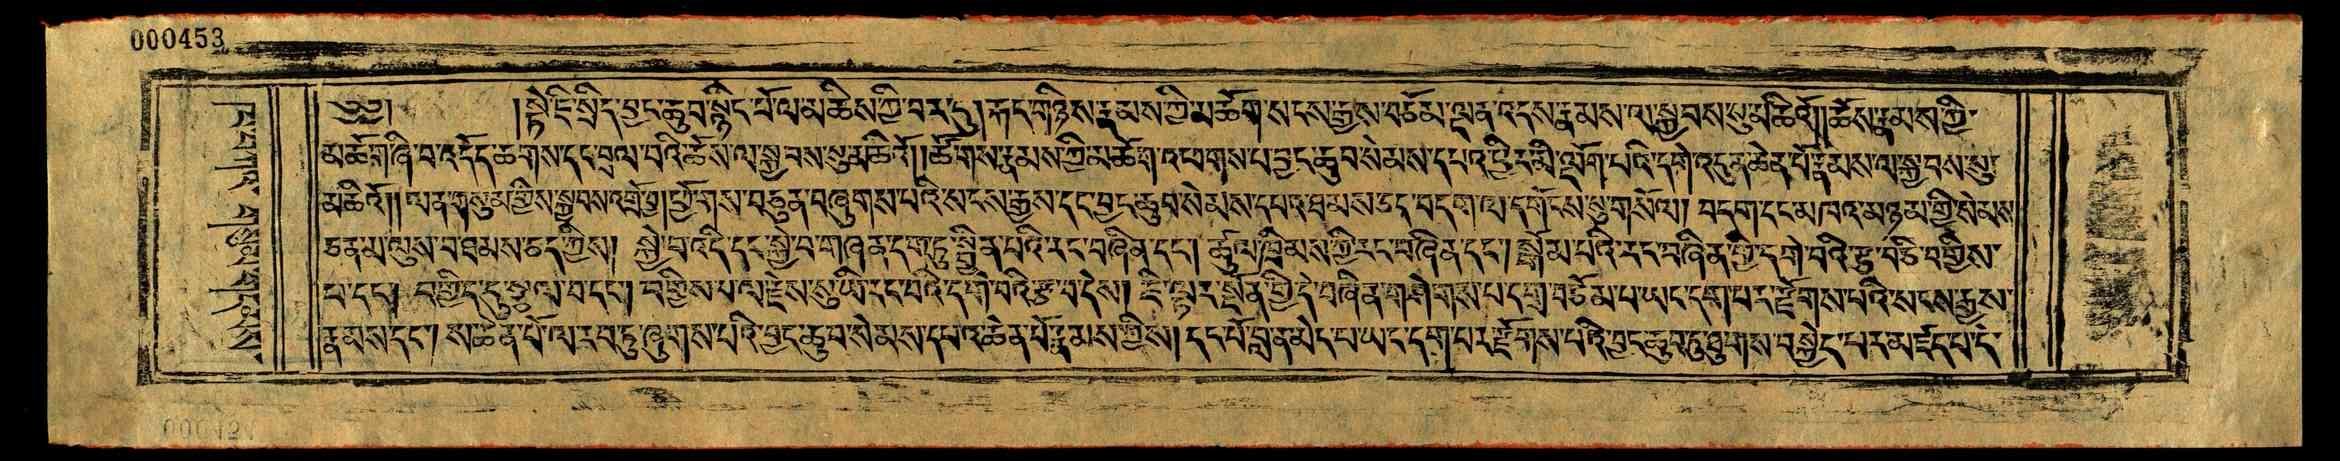༄༅། །སྟེ་ཇི་སྲིད་བྱང་ཆུབ་སྙིང་པོ་ལ་མ་ཆིས་ཀྱི་བར་དུ། རྐང་གཉིས་རྣམས་ཀྱི་མཆོག་སངས་རྒྱས་བཅོམ་ལྡན་འདས་རྣམས་ལ་སྐྱབས་སུ་མཆིའོ། །ཆོས་རྣམས་ཀྱི་
མཆོག་ཞི་བ་འདོད་ཆགས་དང་བྲལ་པའི་ཆོས་ལ་སྐྱབས་སུ་མཆི་འོ། །ཚོགས་རྣམས་ཀྱི་མཆོག་འཕགས་པ་བྱང་ཆུབ་སེམས་དཔའ་ཕྱིར་མི་ལྡོག་པའི་དགེ་འདུན་ཆེན་པོ་རྣམས་ལ་སྐྱབས་སུ་
མཆིའོ། །ལན་གསུམ་གྱིས་སྐྱབས་འགྲོ་བྱ། ཕྱོགས་བཅུ་ན་བཞུགས་པའི་སངས་རྒྱས་དང་བྱང་ཆུབ་སེམས་དཔའ་ཐམས་ཅད་བདག་ལ་དགོངས་སུ་གསོལ། བདག་དང་མཁའ་མཉམ་གྱི་སེམས་
ཅན་མ་ལུས་པ་ཐམས་ཅད་གྱིས། སྐྱེ་བ་འདི་དང་སྐྱེ་བ་གཞན་དག་ཏུ་སྦྱིན་པའི་རང་བཞིན་དང་། ཚུལ་ཁྲིམས་ཀྱི་རང་བཞིན་དང་། སྒོམ་པའི་རང་བཞིན་གྱི་དགེ་བའི་རྩ་བ་ཅི་བགྱིས་
པ་དང་། བགྱིད་དུ་སྩལ་བ་དང་། དགྱིས་པ་ལ་རྗེས་སུ་ཡི་རང་པའི་དགེ་བའི་རྩ་བ་དེས། ཇི་ལྟར་སྔོན་གྱི་དེ་བཞིན་གཤེགས་པ་དགྲ་བཅོམ་པ་ཡང་དག་པར་རྫོགས་པའི་སངས་རྒྱས་
རྣམས་དང་། ས་ཆེན་པོ་ལ་རབ་ཏུ་ཞུགས་པའི་བྱང་ཆུབ་སེམས་དཔའ་ཆེན་པོ་རྣམས་ཀྱིས། དང་པོ་བླ་ན་མེད་པ་ཡང་དག་པར་རྫོགས་པའི་བྱང་ཆུབ་ཏུ་ཐུགས་བསྐྱེད་པར་མཛད་པ་དེ་